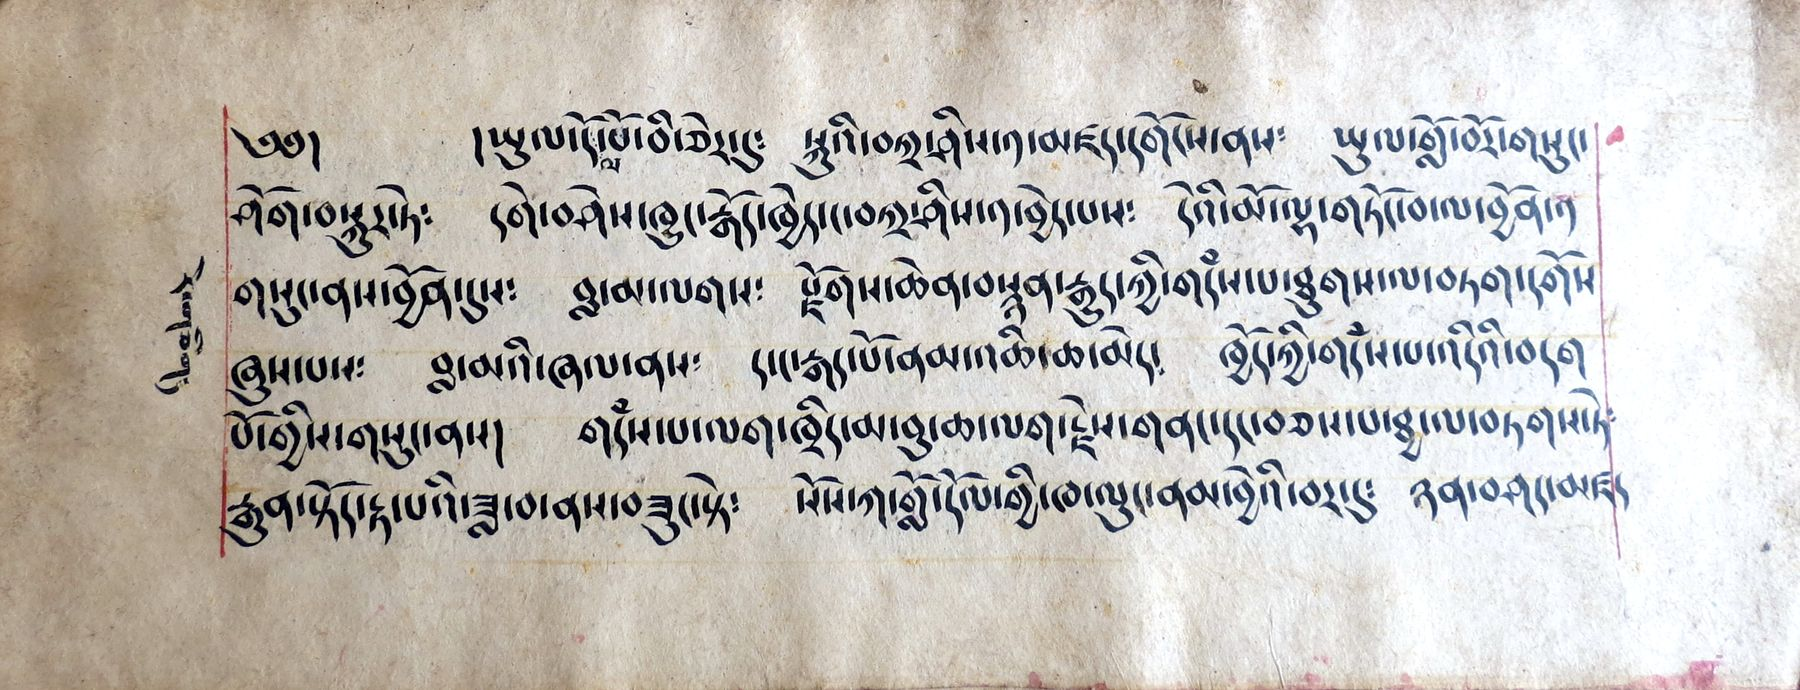ཡུལ་དོལ་པོ་བི་ཅེར་དུ་སྐུའི་བཀྲ་ཤིས་ཤིག་མཛད་དགོངས་ནས། ཡུལ་གློ་བོར་གསུང་
ཤོག་བསྐུར་ཏེ། དགེ་བཤེས་ཁྱུང་རྒོད་ཁྱེད་ངའི་བཀྲ་ཤིས་ཤིག་བྱེད་པས། དེའི་མོ་ལྷ་གཏོང་བ་ལ་བྱོན་ཅིག་
གསུང་ནས་བྱོན་དུས། བླ་མ་ལགས། རྫོགས་ཆེན་སྙན་རྒྱུད་ཀྱི་གདམས་པ་ཐུགས་ལ་བཏགས་དགོས་
ཞུས་པས། བླ་མའི་ཞལ་ནས། ད་ང་རྒད་པོ་ནམ་འཆི་ཆ་མེད། ཁྱེད་ཀྱིས་གདམས་པ་འདིའི་བདག་
པོ་གྱིས་གསུངས་ནས། གདམས་པ་ལག་ཁྲིད་མ་བུ་ཆ་ལག་རྗེས་གནང་དང་བཅས་པ་ཐུགས་ལ་བཏགས་ཏེ། 
དགུན་སྟོད་རྟ་པའི་ཟླ་བ་ནས་བཟུང་སྟེ། སོས་ཀ་གློ་དོལ་གྱི་ལ་ལུང་ནམ་བྱེ་བའི་བར་དུ་ཉན་བཤད་མཛད་